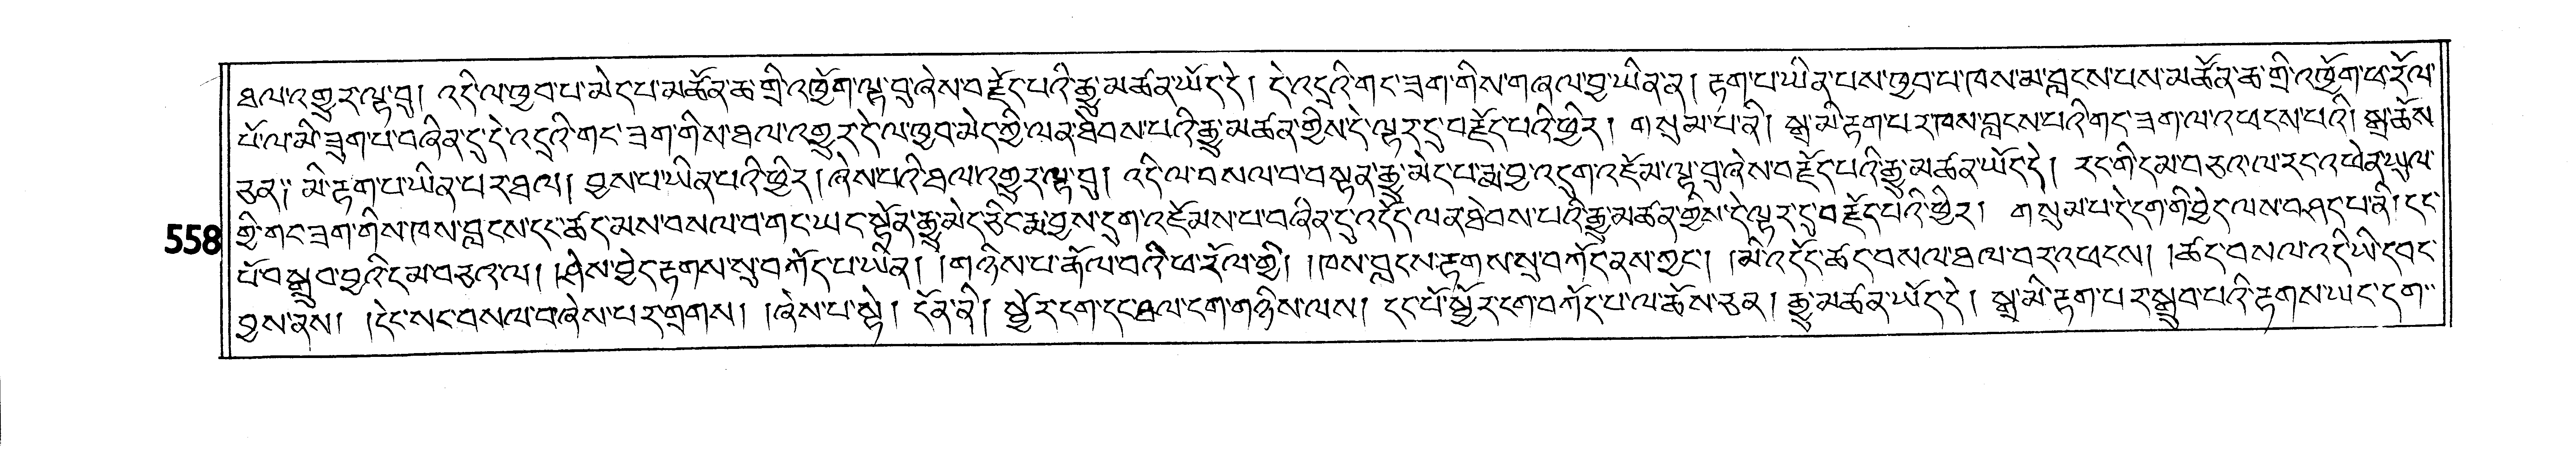ཐལ་འགྱུར་ལྟ་བུ། འདི་ལ་ཁྱབ་པ་མེད་པ་མཚོན་ཆ་གྲི་འཁྱོག་ལྟ་བུ་ཞེས་བརྗོད་པའི་རྒྱུ་མཚན་ཡོད་དེ། དེ་འདྲའི་གང་ཟག་གིས་གཞལ་བྱ་ཡིན་ན། རྟག་པ་ཡིན་པས་ཁྱབ་པ་ཁས་མ་བླངས་པས་མཚོན་ཆ་གྲི་འཁྱོག་ཕ་རོལ་
པོ་ལ་མི་ཟུག་པ་བཞིན་དུ་དེ་འདྲའི་གང་ཟག་གིས་ཐལ་འགྱུར་དེ་ལ་ཁྱབ་མེད་ཀྱི་ལན་ཐེབས་པའི་རྒྱུ་མཚན་གྱིས་དེ་ལྟར་དུ་བརྗོད་པའི་ཕྱིར། གསུམ་པ་ནི། སྒྲ་མི་རྟག་པར་ཁས་བླངས་པའི་གང་ཟག་ལ་འཕངས་པའི། སྒྲ་ཆོས་
ཅན༑ མི་རྟག་པ་ཡིན་པར་ཐལ། བྱས་པ་ཡིན་པའི་ཕྱིར། ཞེས་པའི་ཐལ་འགྱུར་ལྟ་བུ། འདི་ལ་བསལ་བ་བསྟན་རྒྱུ་མེད་པ་རྨ་བྱ་འདུག་འཇོམ་ལྟ་བུ་ཞེས་བརྗོད་པའི་རྒྱུ་མཚན་ཡོད་དེ། རང་གི་དམ་བཅའ་ལ་རང་འཕེན་ཡུལ་
གྱི་གང་ཟག་གིས་ཁས་བླངས་དང་ཚད་མས་བསལ་བ་གང་ཡང་སྟོན་རྒྱུ་མེད་ཅིང་རྨ་བྱས་དུག་འཇོམས་པ་བཞིན་དུ་འདོད་ལན་ཐེབས་པའི་རྒྱུ་མཚན་གྱིས་དེ་ལྟར་དུ་བརྗོད་པའི་ཕྱིར། གསུམ་པ་དེ་དག་གི་བྱེད་ལས་བཤད་པ་ནི། དང་
པོ་བསྒྲུབ་བྱའི་དམ་བཅའ་ལ། །ཤེས་བྱེད་རྟགས་སུ་བཀོད་པ་ཡིན། །གཉིས་པ་རྒོལ་བའི་ཕ་རོལ་གྱི། །ཁས་བླངས་རྟགས་སུ་བཀོད་ནས་ཀྱང་། །མི་འདོད་ཚད་བསལ་ཐལ་བར་འཕངས། །ཚད་བསལ་འདི་ཡི་དབང་
བྱས་ནས། །དེང་སང་བསལ་བ་ཞེས་པར་གྲགས། །ཞེས་པ་སྟེ། དོན་ནི། སྦྱོར་ངག་དང་ཐལ་ངག་གཉིས་ལས། དང་པོ་སྦྱོར་ངག་བཀོད་པ་ལ་ཆོས་ཅན། རྒྱུ་མཚན་ཡོད་དེ། སྒྲ་མི་རྟག་པར་སྒྲུབ་པའི་རྟགས་ཡང་དག་